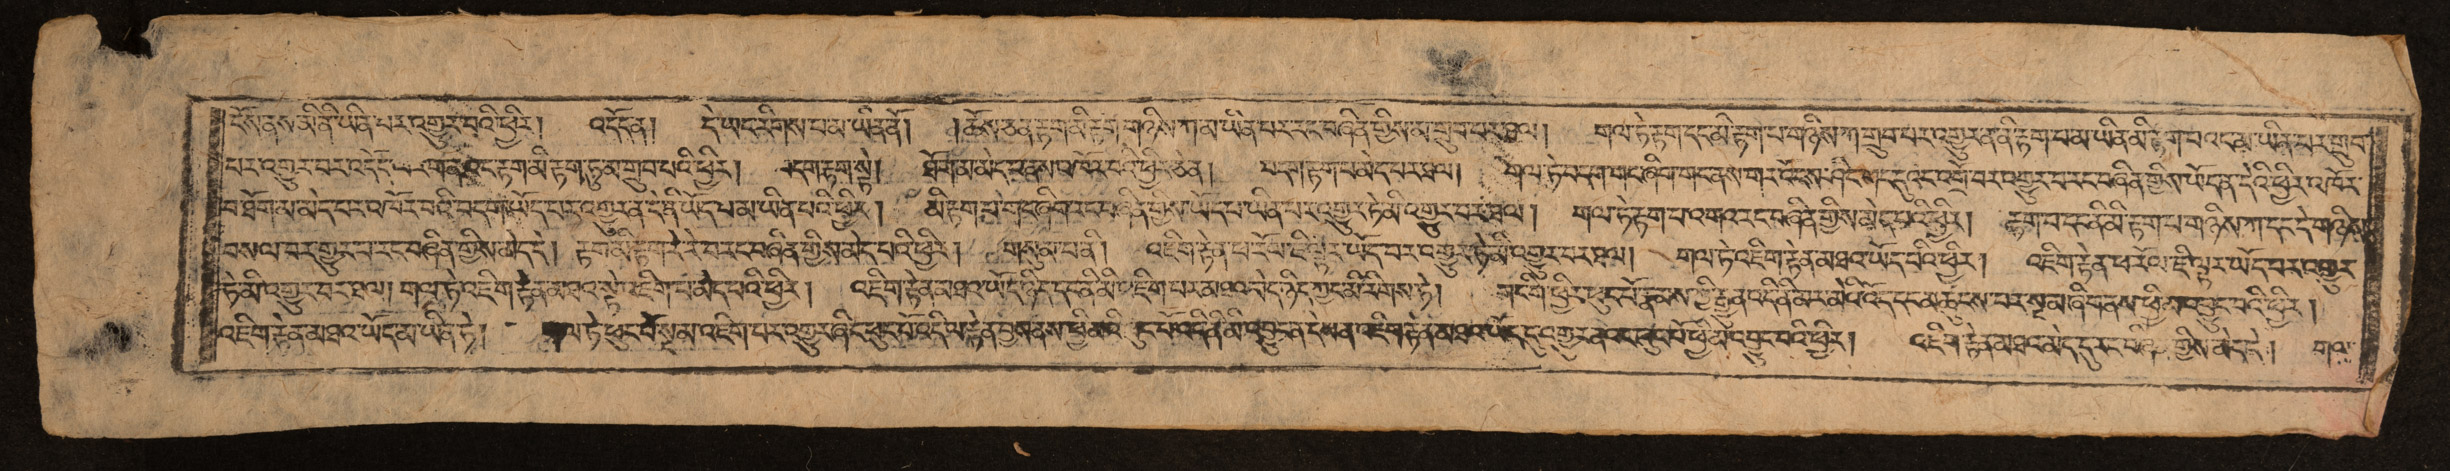ངོས་ནས་མི་ནི་ཡིན་པར་འགྱུར་བའི་ཕྱིར། འདོད་ན། དེ་ཡང་རིགས་པ་མ་ཡིན་ནོ། །ཆོས་ཅན་རྟག་མི་རྟག་གཉིས་ཀ་མ་ཡིན་པར་རང་བཞིན་གྱིས་མ་གྲུབ་པར་ཐལ། གལ་ཏེ་རྟག་དང་མི་རྟག་པ་གཉིས་ཀ་གྲུབ་པར་འགྱུར་ན་ནི་རྟག་པ་མ་ཡིན་མི་རྟག་པའང་མ་ཡིན་པར་གྲུབ་
པར་འགྱུར་བར་འདོད་ལ་རིག་ནའང་རྟག་མི་རྟག་ཏུ་མ་གྲུབ་པའི་ཕྱིར། བདག་རྟག་སྟེ། ཐོག་མ་མེད་པ་ནས་འཁོར་བའི་ཕྱིར་ཅེ་ན། བདག་རྟག་པ་མེད་པར་ཐལ། གལ་ཏེ་བདག་གང་ཞིག་གང་ནས་གར་འོངས་ཤིང་གང་དུ་འང་འགྲོ་བར་འགྱུར་བ་རང་བཞིན་གྱིས་ཡོད་ན་དེའི་ཕྱིར་འཁོར་
བ་ཐོག་མ་མེད་པར་འཁོར་བའི་བདག་ཡོད་པར་འགྱུར་ན་དེ་ནི་ཡོད་པ་མ་ཡིན་པའི་ཕྱིར། མི་རྟག་པ་གང་ཞིག་རང་བཞིན་གྱིས་ཡོད་པ་ཡིན་པར་འགྱུར་ཏེ་མི་འགྱུར་བར་ཐལ། གལ་ཏེ་རྟག་པ་འགའ་རང་བཞིན་གྱིས་མེད་པའི་ཕྱིར། རྟག་པ་དང་ནི་མི་རྟག་པ་གཉིས་ཀ་དང་དེ་གཉིས་
བསལ་བར་གྱུར་པ་རང་བཞིན་གྱིས་མེད་དེ། རྟག་མི་རྟག་རེ་རེ་བ་རང་བཞིན་གྱིས་མེད་པའི་ཕྱིར། གསུམ་པ་ནི། འཇིག་རྟེན་ཕ་རོལ་ཇི་ལྟར་ཡོད་པར་འགྱུར་ཏེ་མི་འགྱུར་བར་ཐལ། གལ་ཏེ་འཇིག་རྟེན་མཐའ་ཡོད་པའི་ཕྱིར། འཇིག་རྟེན་ཕ་རོལ་ཇི་ལྟར་ཡོད་པར་འགྱུར་
ཏེ་མི་འགྱུར་བར་ཐལ། གལ་ཏེ་འཇིག་རྟེན་མཐའ་སྟེ་འཇིག་པ་མེད་པའི་ཕྱིར། འཇིག་རྟེན་མཐའ་ཡོད་ཉིད་དང་ནི་མི་འཇིག་པར་མཐའ་མེད་ཉིད་ཀྱང་མི་རིགས་ཏེ། གང་གི་ཕྱིར་ཕུང་པོ་རྣམས་ཀྱི་རྒྱུན་འདི་ནི་མར་མེའི་འོད་དང་མཚུངས་པར་སྔ་མ་ཞིག་ནས་ཕྱི་མ་འབྱུང་བའི་ཕྱིར།
འཇིག་རྟེན་མཐའ་ཡོད་མ་ཡིན་ཏེ། གལ་ཏེ་ཕུང་པོ་སྔ་མ་འཇིག་པར་འགྱུར་ཞིང་ཕུང་པོ་འདི་ལ་རྟེན་བྱས་ནས་ཕྱི་མའི་ཕུང་པོ་འདི་ནི་མི་འབྱུང་ན་དེས་ན་འཇིག་རྟེན་མཐའ་ཡོད་དུ་འགྱུར་ནའང་ཕུང་པོ་ཕྱི་མ་འབྱུང་བའི་ཕྱིར། འཇིག་རྟེན་མཐའ་མེད་དུ་རང་བཞིན་གྱིས་མེད་དེ། གལ་